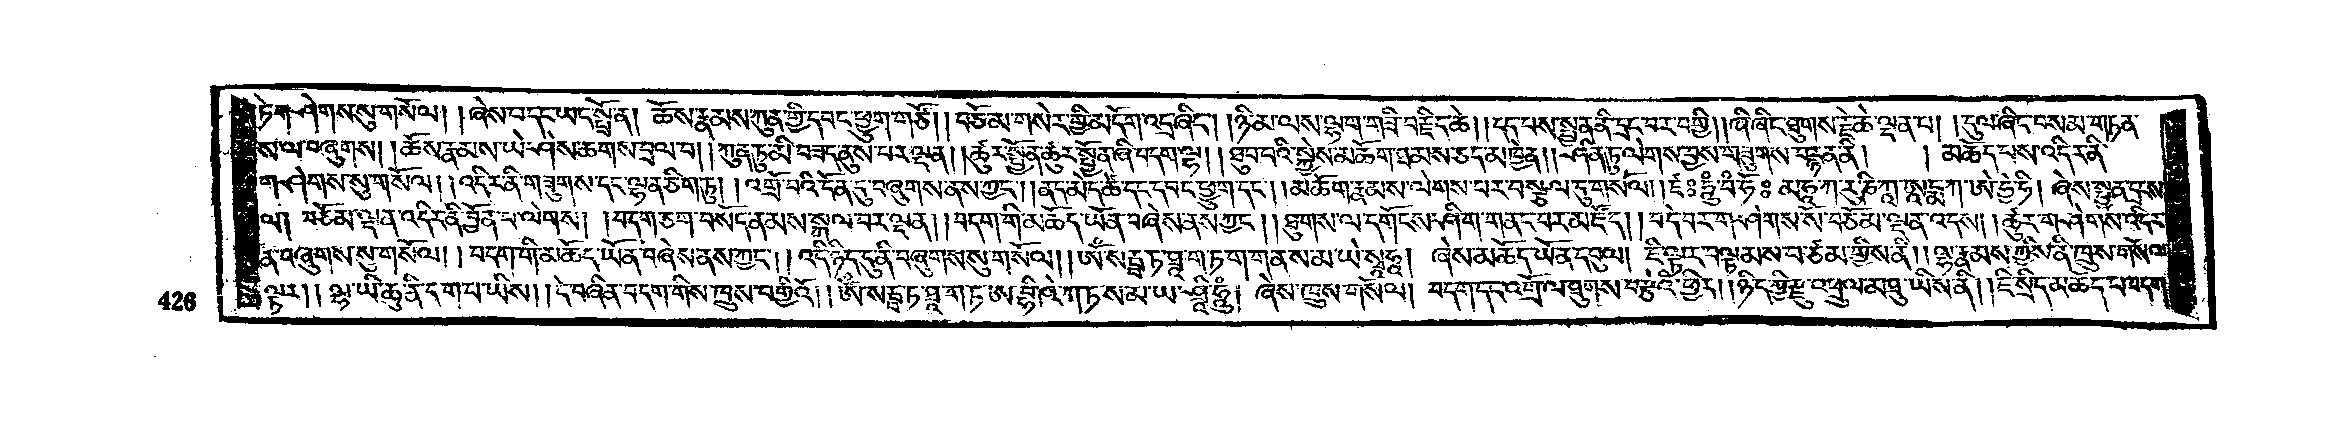ཏེ། ཤེགས་སུ་གསོལ། །ཞེས་པ་དང་ཡང་སྤྲོ་ན། ཆོས་རྣམས་ཀུན་གྱི་དབང་ཕྱུག་གཙོ། །བཅོ་མ་གསེར་གྱི་མདོག་འདྲ་ཞིང་། །ཉི་མ་ལས་ལྷག་གཟི་བརྗིད་ཆེ། །དད་པས་སྤྱན་ནི་དྲང་བར་བགྱི། །ཞི་ཞིང་ཐུགས་རྗེ་ཆེ་ལྡན་པ། །དུལ་ཞིང་བསམ་གཏན་
ས་ལ་བཞུགས། །ཆོས་རྣམས་ཡེ་ཤེས་ཆགས་བྲལ་བ། །ཀུན་ཏུ་མི་བཟད་ནུས་པར་ལྡན། །ཚུར་སྤྱོན་ཚུར་སྤྱོན་ཞི་བདག་ལྷ། །ཐུབ་པའི་སྐྱེས་མཆོག་ཐམས་ཅད་མཁྱེན། །ཤིན་ཏུ་ལེགས་བྱས་གཟུགས་བརྙན་ནི། །མཆོད་པས་འདིར་ནི་
གཤེགས་སུ་གསོལ། །འདིར་ནི་གཟུགས་དང་ལྷན་ཅིག་ཏུ། །འགྲོ་བའི་དོན་དུ་བཞུགས་ནས་ཀྱང་། །ནད་མེད་ཚེ་དང་དབང་ཕྱུག་དང་། །མཆོག་རྣམས་ལེགས་པར་བསྟལ་དུ་གསོལ། །ཛཿ ཧཱུཾ་བཾ་ཧོཿ མཧཱ་ཀ་རུ་ཎི་ཀཱ་ཨཱདམཀ་ཨེ་ཧྱེ་ཧི། ཞེས་སྤྱན་དྲངས་
ལ། བཅོམ་ལྡན་འདིར་ནི་བྱོན་པ་ལེགས། །བདག་ཅག་བསོད་ནམས་བསྐལ་བར་ལྡན། །བདག་གི་མཆོད་ཡོན་བཞེས་ནས་ཀྱང་། །ཐུགས་ལ་དགོངས་ཤིག་གནང་བར་མཛོད། །བདེ་བར་གཤེགས་སོ་བཅོམ་ལྡན་འདས། །ཚུར་གཤེགས་འདིར་
ནི་བཞུགས་སུ་གསོལ། །བདག་གི་མཆོད་ཡོན་བཞེས་ནས་ཀྱང་། །འདི་ཉིད་དུ་ནི་བཞུགས་སུ་གསོལ། །ཨོཾ་སརྦྦ་ཏ་ཐཱ་ག་ཏ་ག་ག་ན་ས་མ་ཡེ་སྭཱ་ཧཱ། ཞེས་མཆོད་ཡོན་དབུལ། ཇི་ལྟར་བལྟམས་པ་ཙམ་གྱིས་ནི། །ལྷ་རྣམས་ཀྱིས་ནི་ཁྲུས་གསོལ་
ལྟར། །ལྷ་ཡི་ཆུ་ནི་དག་པ་ཡིས། །དེ་བཞིན་བདག་གིས་ཁྲུས་བགྱིའོ། །ཨོཾ་སརྦྦ་ཏ་ཐཱ་ག་ཏ་ཨ་བྷི་ཥེ་ཀ་ཏ་ས་མ་ཡ་ཤྲཱི་ཧཱུཾ། ཞེས་ཁྲུས་གསོལ། བདག་དང་འགྲོ་ལ་ཐུགས་བརྩེའི་ཕྱིར། །ཉིད་ཀྱི་རྫུ་འཕྲུལ་མཐུ་ཡིས་ནི། །ཇི་སྲིད་མཆོད་པ་བདག་